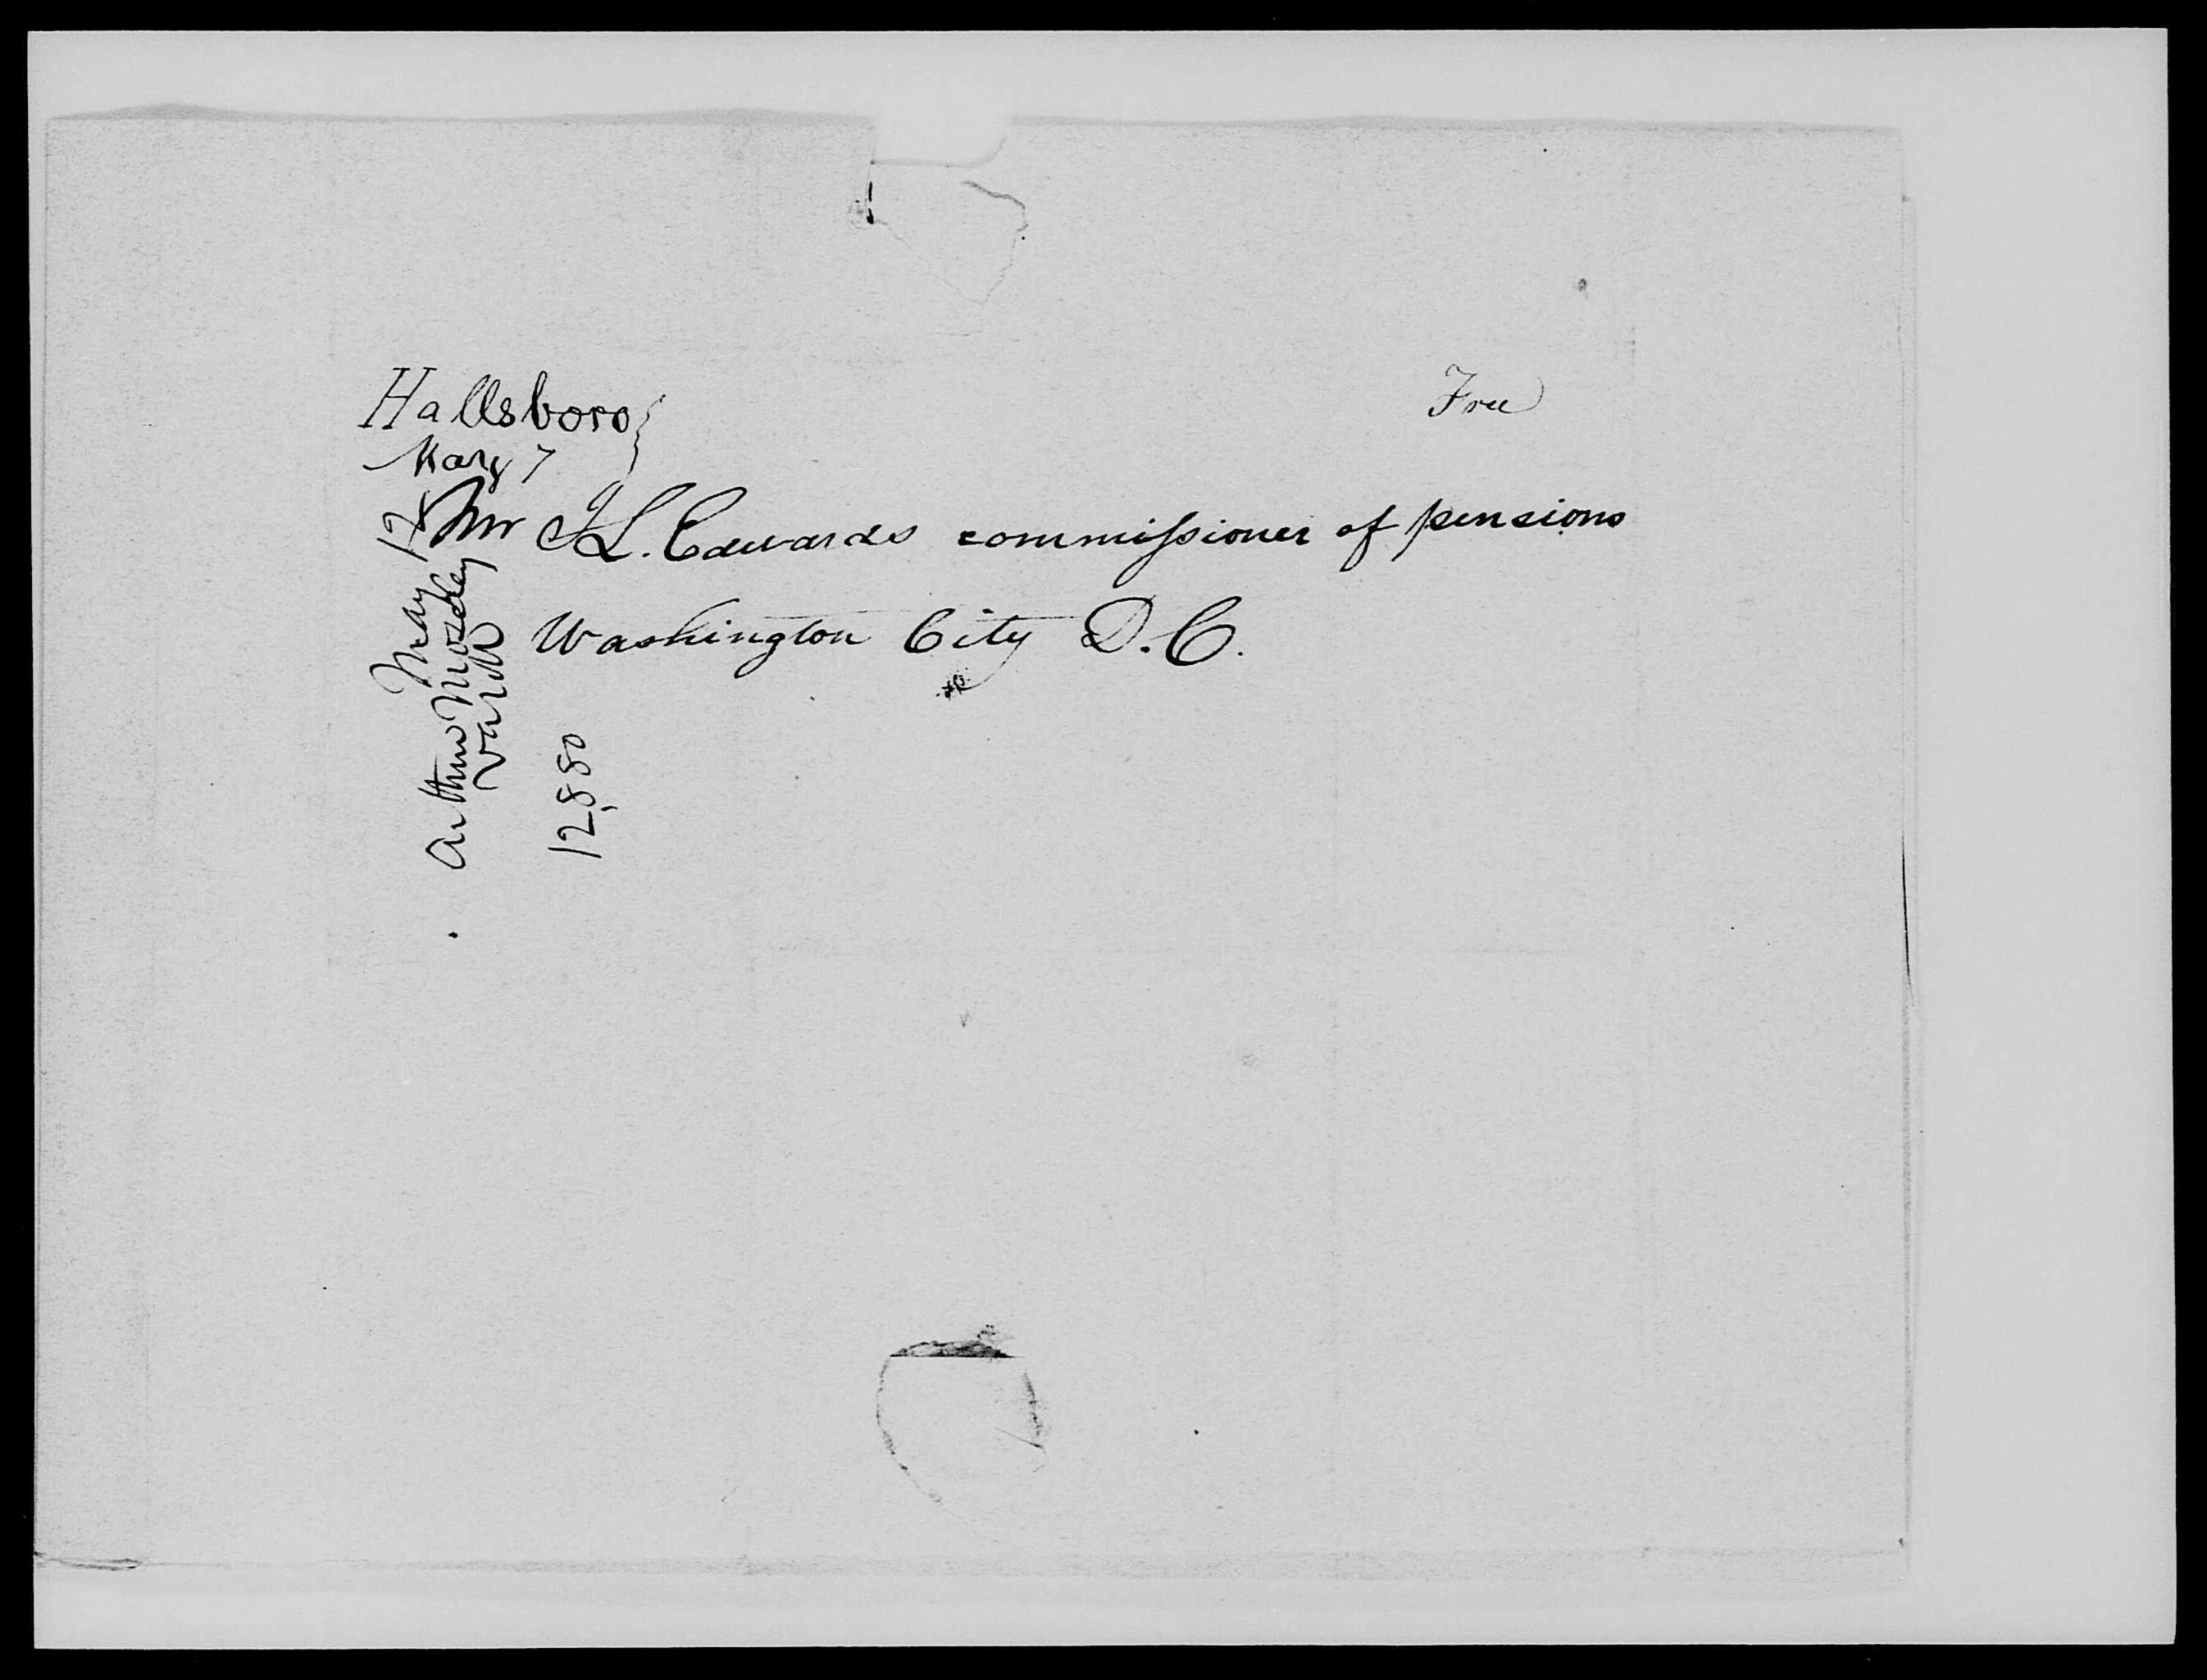Hallsboro
Free
May 7
Mr. J. L. Edwards Commissioner of Pensions
Washington City D.C.
May 12
Arthur Moseley
VA [illegible]
12,880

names: J L Edwards; Arthur Moseley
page: 16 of 21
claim: survivor's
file: S. 7240, for Arthur Moseley, Virginia